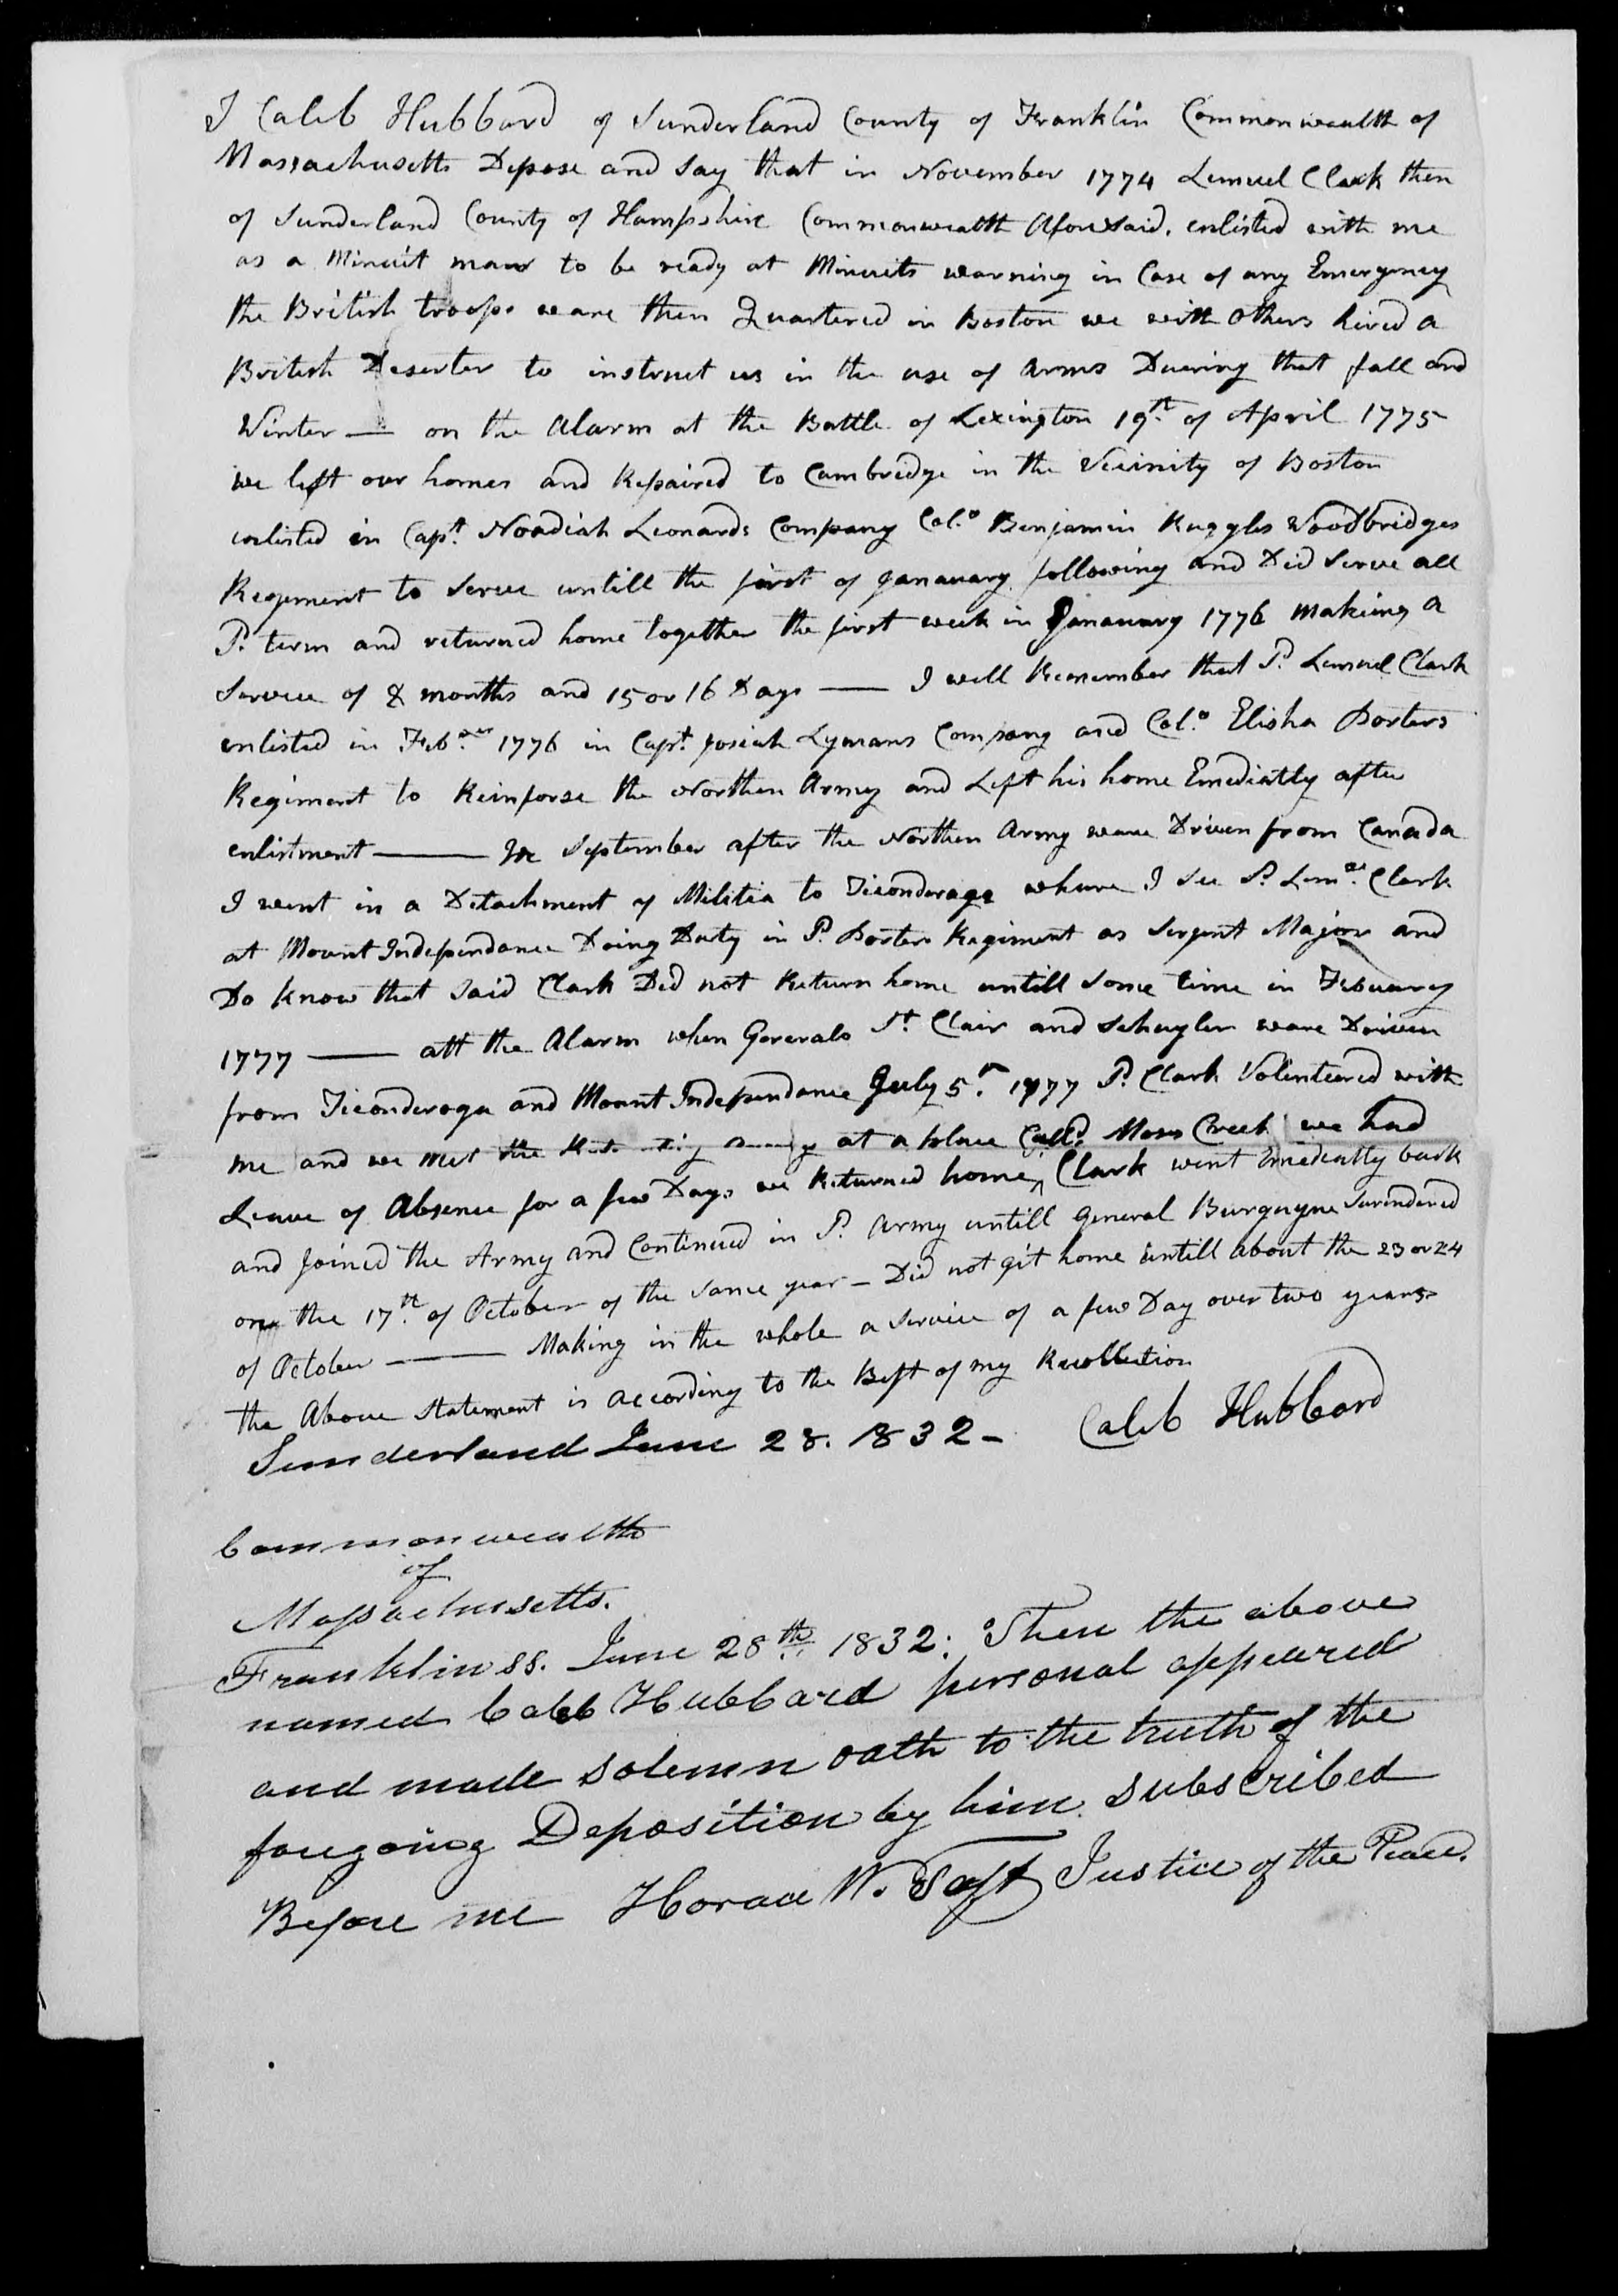I Caleb Hubbard of Sunderland County of Franklin Commonwealth of Massachusetts depose and say that in November 1774 Lemuel Clark then of Sunderland County of Hampshire Commonwealth aforesaid, enlisted with me as a minute man to be ready at minuits warning in case of any Emergency the British troops were then quartered in Boston we with others in a British Deserter to instruct us in the use of arms during that fall and Winter -  on the alarm at the Battle of Lexington 19th of April 1775 we left our homes and repaired to Cambridge in the vicinity of Boston enlisted in Capt Noadiah Leonards Company Col. Benjamin Ruggles Woodbridges Regiment to serve untill the first of January following and did serve all sd term and returned home together the first week in January 1776 making a service of 8 months and 15 or 16 day - I well remember that sd Lemuel Clark enlisted in Feb 1776 in Capt Josiah Lymans Company and Col. Elisha Porter Regiment to reinforce the Northern Army and left his home Emediatly after enlistment - In September after the Northern army were driven from Canada I went in a detachment of Militia to Ticonderoga where I saw Leml Clark at Mount Independance doing duty in sd. Porter Regiment as Sergeant Major and do know that said Clark did not return home untill some time in Febuary 1777- 

att the alarm when General St Clair and Schuyler were driven from Ticonderoga and Mount Independence July 5th 1777 sd Clark volunteered with me and we met the military army at a place called Moses Creek we had leave of absence for a few days and returned home Clark went imediatly back and joined the Army and continued in sd army untill General Burgoyne Surrendered on the 17th of October of the same year-- did not git home untill about the 23 or 24 of October -- Making in the whole a service of a few day over two years. the above statement is according to the best of my recollection. 
Sunderland June 23, 1832 Caleb Hubbard 

Commonwealth of Massachusetts Franklin SS. June 28th 1832. 

Then the above named Caleb Hubbard personal appeared and made solemn oath to the truth of the foregoing Deposition by him subscribed Before me 
Horace W. Taft Justice of the Peace.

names: Caleb Hubbard, Clark, Schuyler, St Clair, Lemuel Clark, Caleb Hubbard, Burguyne, Horace W Taft, Leml Clark, Caleb Hubbard, Lemuel Clark, Clark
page: 29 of 48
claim: survivor's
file: S. 17343, Lemuel Clarke, Mass.